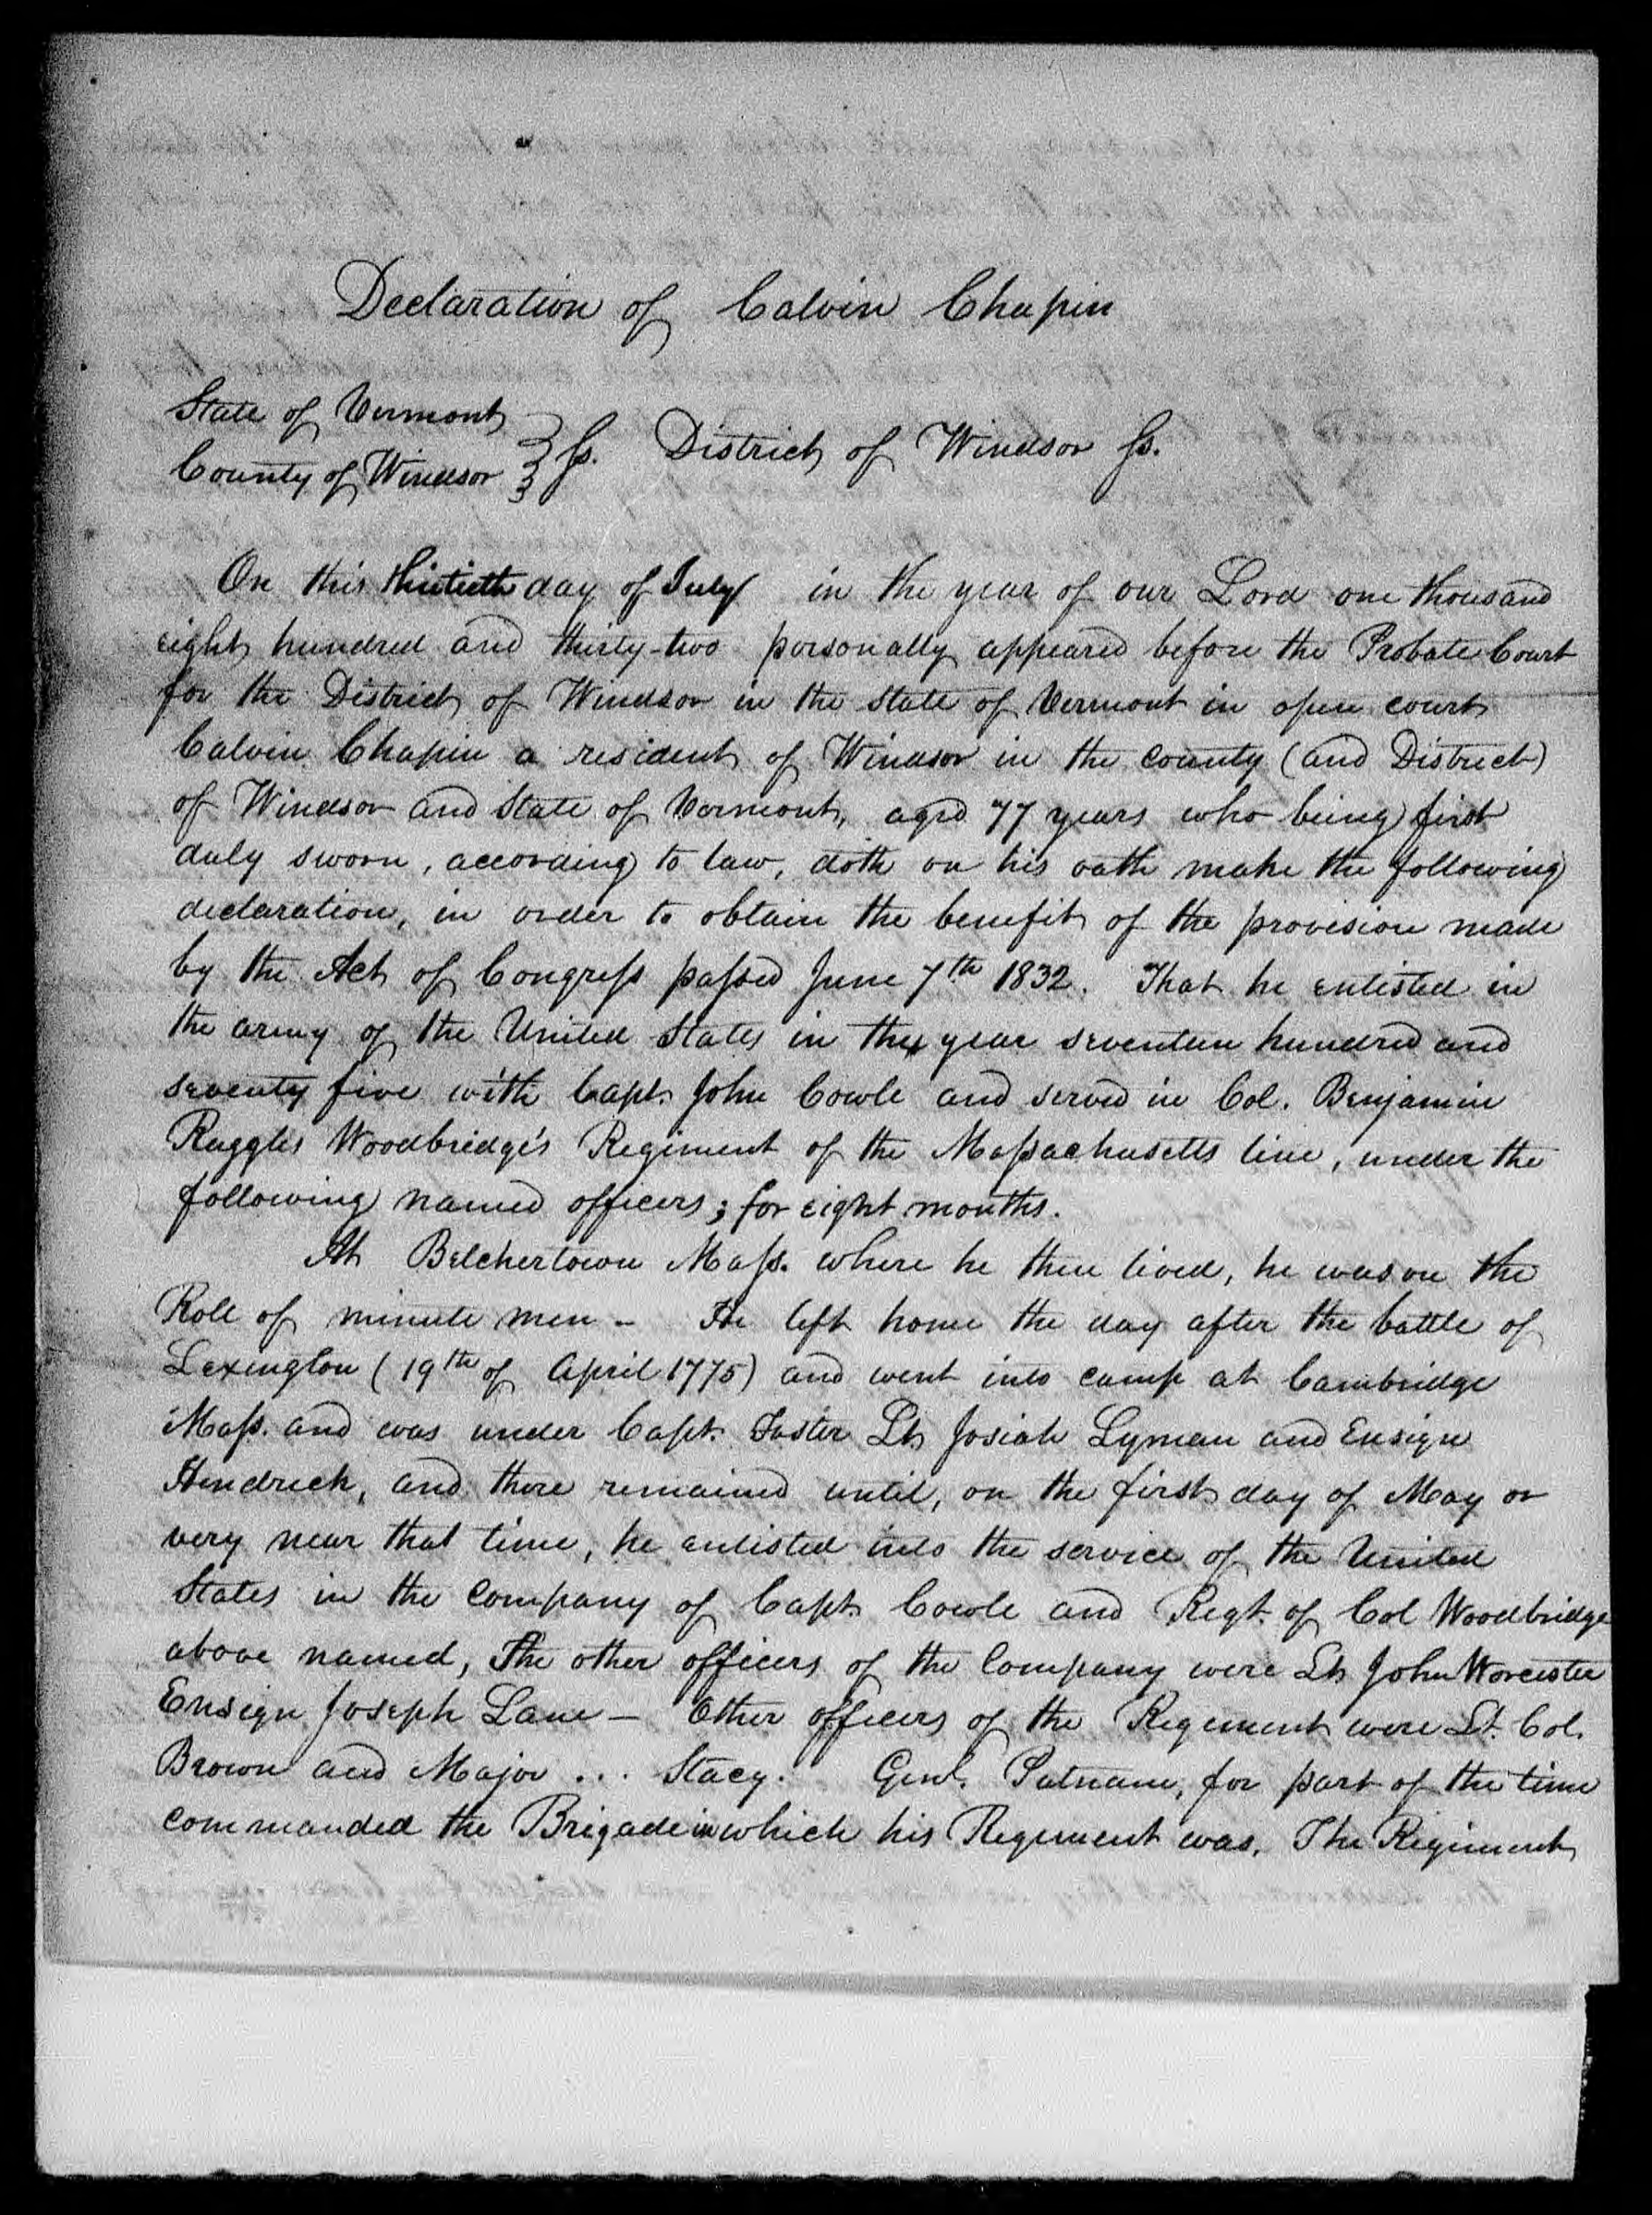Declaration of Calvin Chapin

State of Vermont
County of Windsor ss. District of Windsor ss.

On this thirtieth day of July in the year of our Lord one thousand eight hundred and thirty-two personally appeared before the Probate Court for the District of Windsor in the State of Vermont in o[illegible]court Calvin Chapin a resident of Windsor in the County (and District) of Windsor and State of Vermont, aged 77 years who being first duly sworn, according to law, doth on his oath make the following declaration, in order to obtain the benefit of the provision made by the Act of Congress passed June 7th 1832. That he enlisted in the army of the United Stares in the year seventeen hundred and seventy five with Capt. John Cowle and served in Col. Benjamin Ruggles Woodbridge's Regiment of the Massachusetts line under the following named officers; for eight months.
At Belchertown Mass. where he then lived, he was on the Role of minute men - He left home the day after the battle of Lexington (19th of April 1775) and went into camp at Cambridge Mass. and was under Capt. Fastir Lt Josiah Lyman and Ensign Hendrich, and there remained until, on the first day of May or very near that time, he enlisted into the service of the United States in the company of Capt. Cowle and Regt. of Col Woodbridge above named, the other officers of the company were Lt John Worcester Ensign Joseph Lane - Other officers of the Regiment were Lt. Col. Brown and Major... Staey.  Genl. Putnam, for part of the time commanded the Brigade w which his Regiment was. The Regiment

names: Woodbridge, Cowle, Putnam, Joseph Lane, John Worcester, Calvin Chapin, Josiah Lyman, Foster, Brown, Hendrick, John Cowle, Stacy, Benjamin Ruggles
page: 4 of 35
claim: widow's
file: W. 20,864, Calvin Chapin, Mass. Vt.